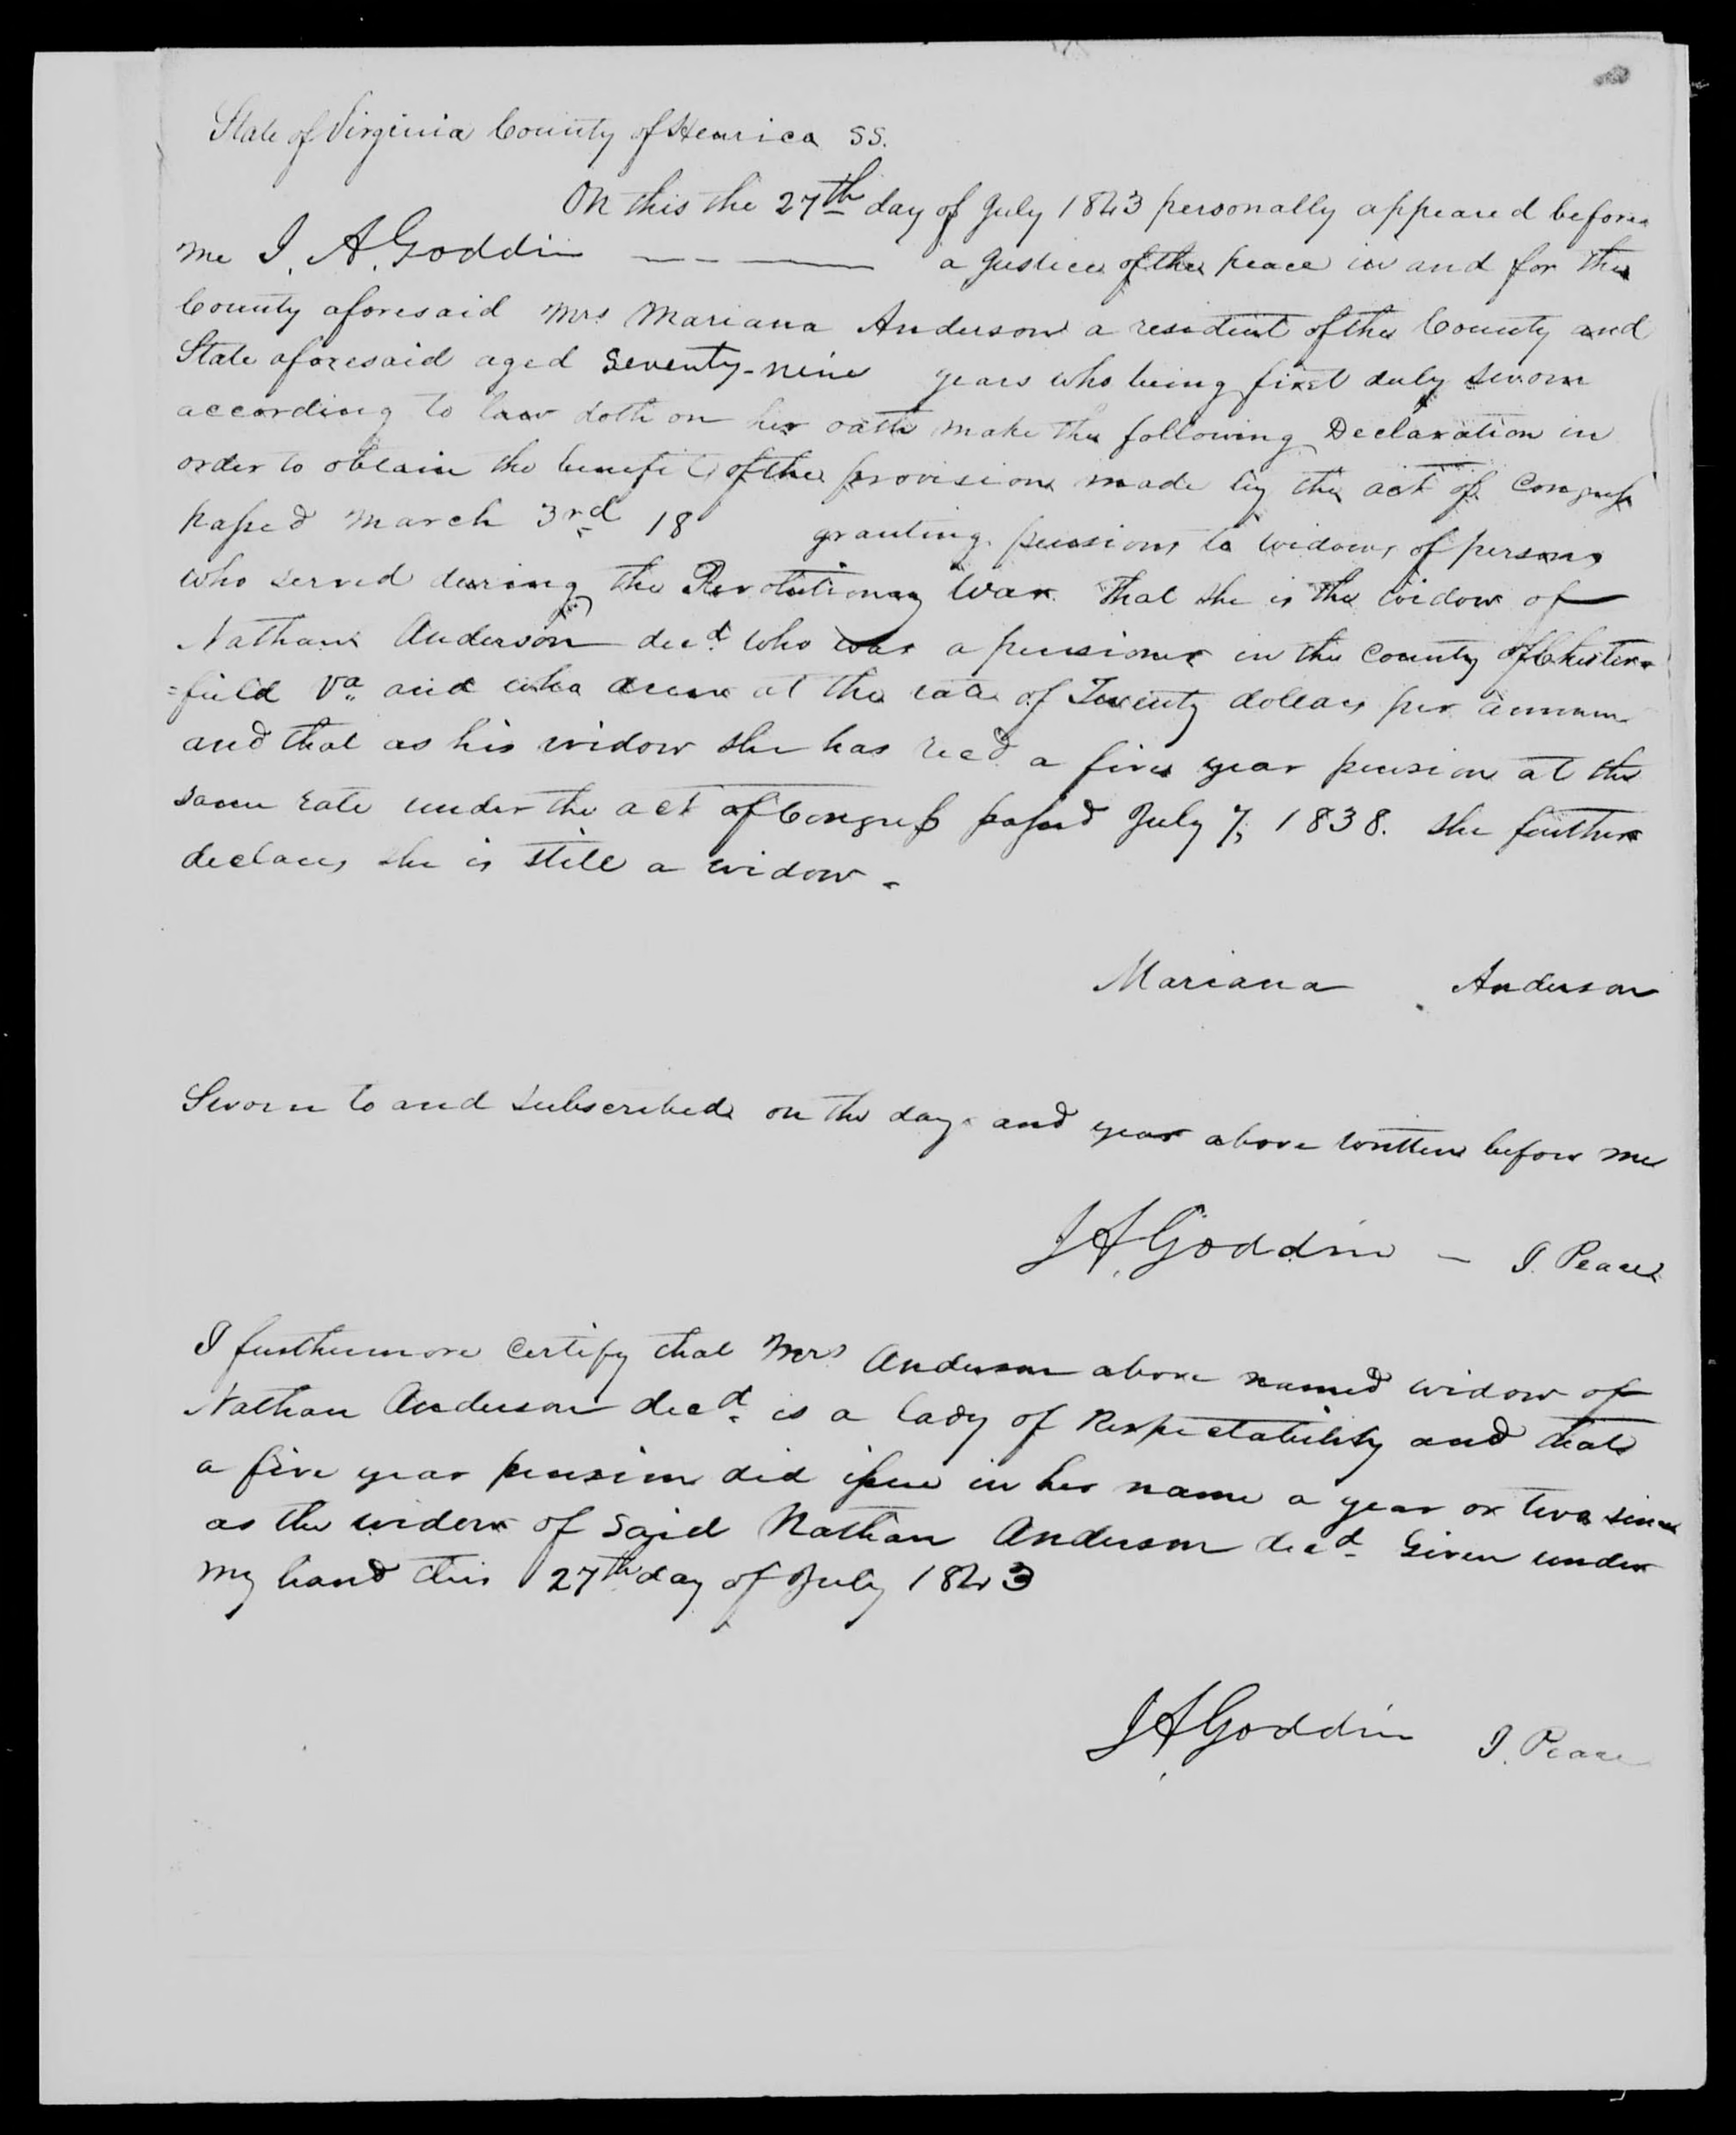State of Virginia County of Henrico SS.
On this the 27th day of July 1843 personally appeared before me J. A. Goddin - a Justice of the peace in and for the County aforesaid Mrs. Mariana Anderson a resident of the County and State aforesaid aged Seventy-nine years who being first duly sworn according to law doth on her oath make the following Declaration in order to obtain the benefit of the provision made by the act of Congress passed March 3rd 18 granting pensions to widows of persons who served during the Revolutionary War. That she is the widow of Nathan Anderson decd. who was a pensioner in the County of Chesterfield Va. and who drew at the rate of Twenty dollars per annum and that as his widow she had recd. a five year pension at the same rate under the act of Congress passed July 7, 1838. She further declares she is still a widow.
Mariana Anderson

Sworn to and Subscribed on the day and year above written before me
J A. Goddin - J. Peace

I furthermore Certify that Mrs. Anderson above named widow of Nathan Anderson decd. is a lady of Respectability and that a five year pension did issue in her name a year or two since as the widow of said Nathan Anderson decd Given under my hand this 27th day of July 1843
J A. Goddin J. Peace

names: Nathan Anderson, J A Goodin, J A Goodin, Anderson, Nathan Anderson, Mariana Anderson, Nathan Anderson, Mariana Anderson, J A Goodin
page: 27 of 43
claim: widow's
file: W. 5,626, Nathan Anderson, Va.